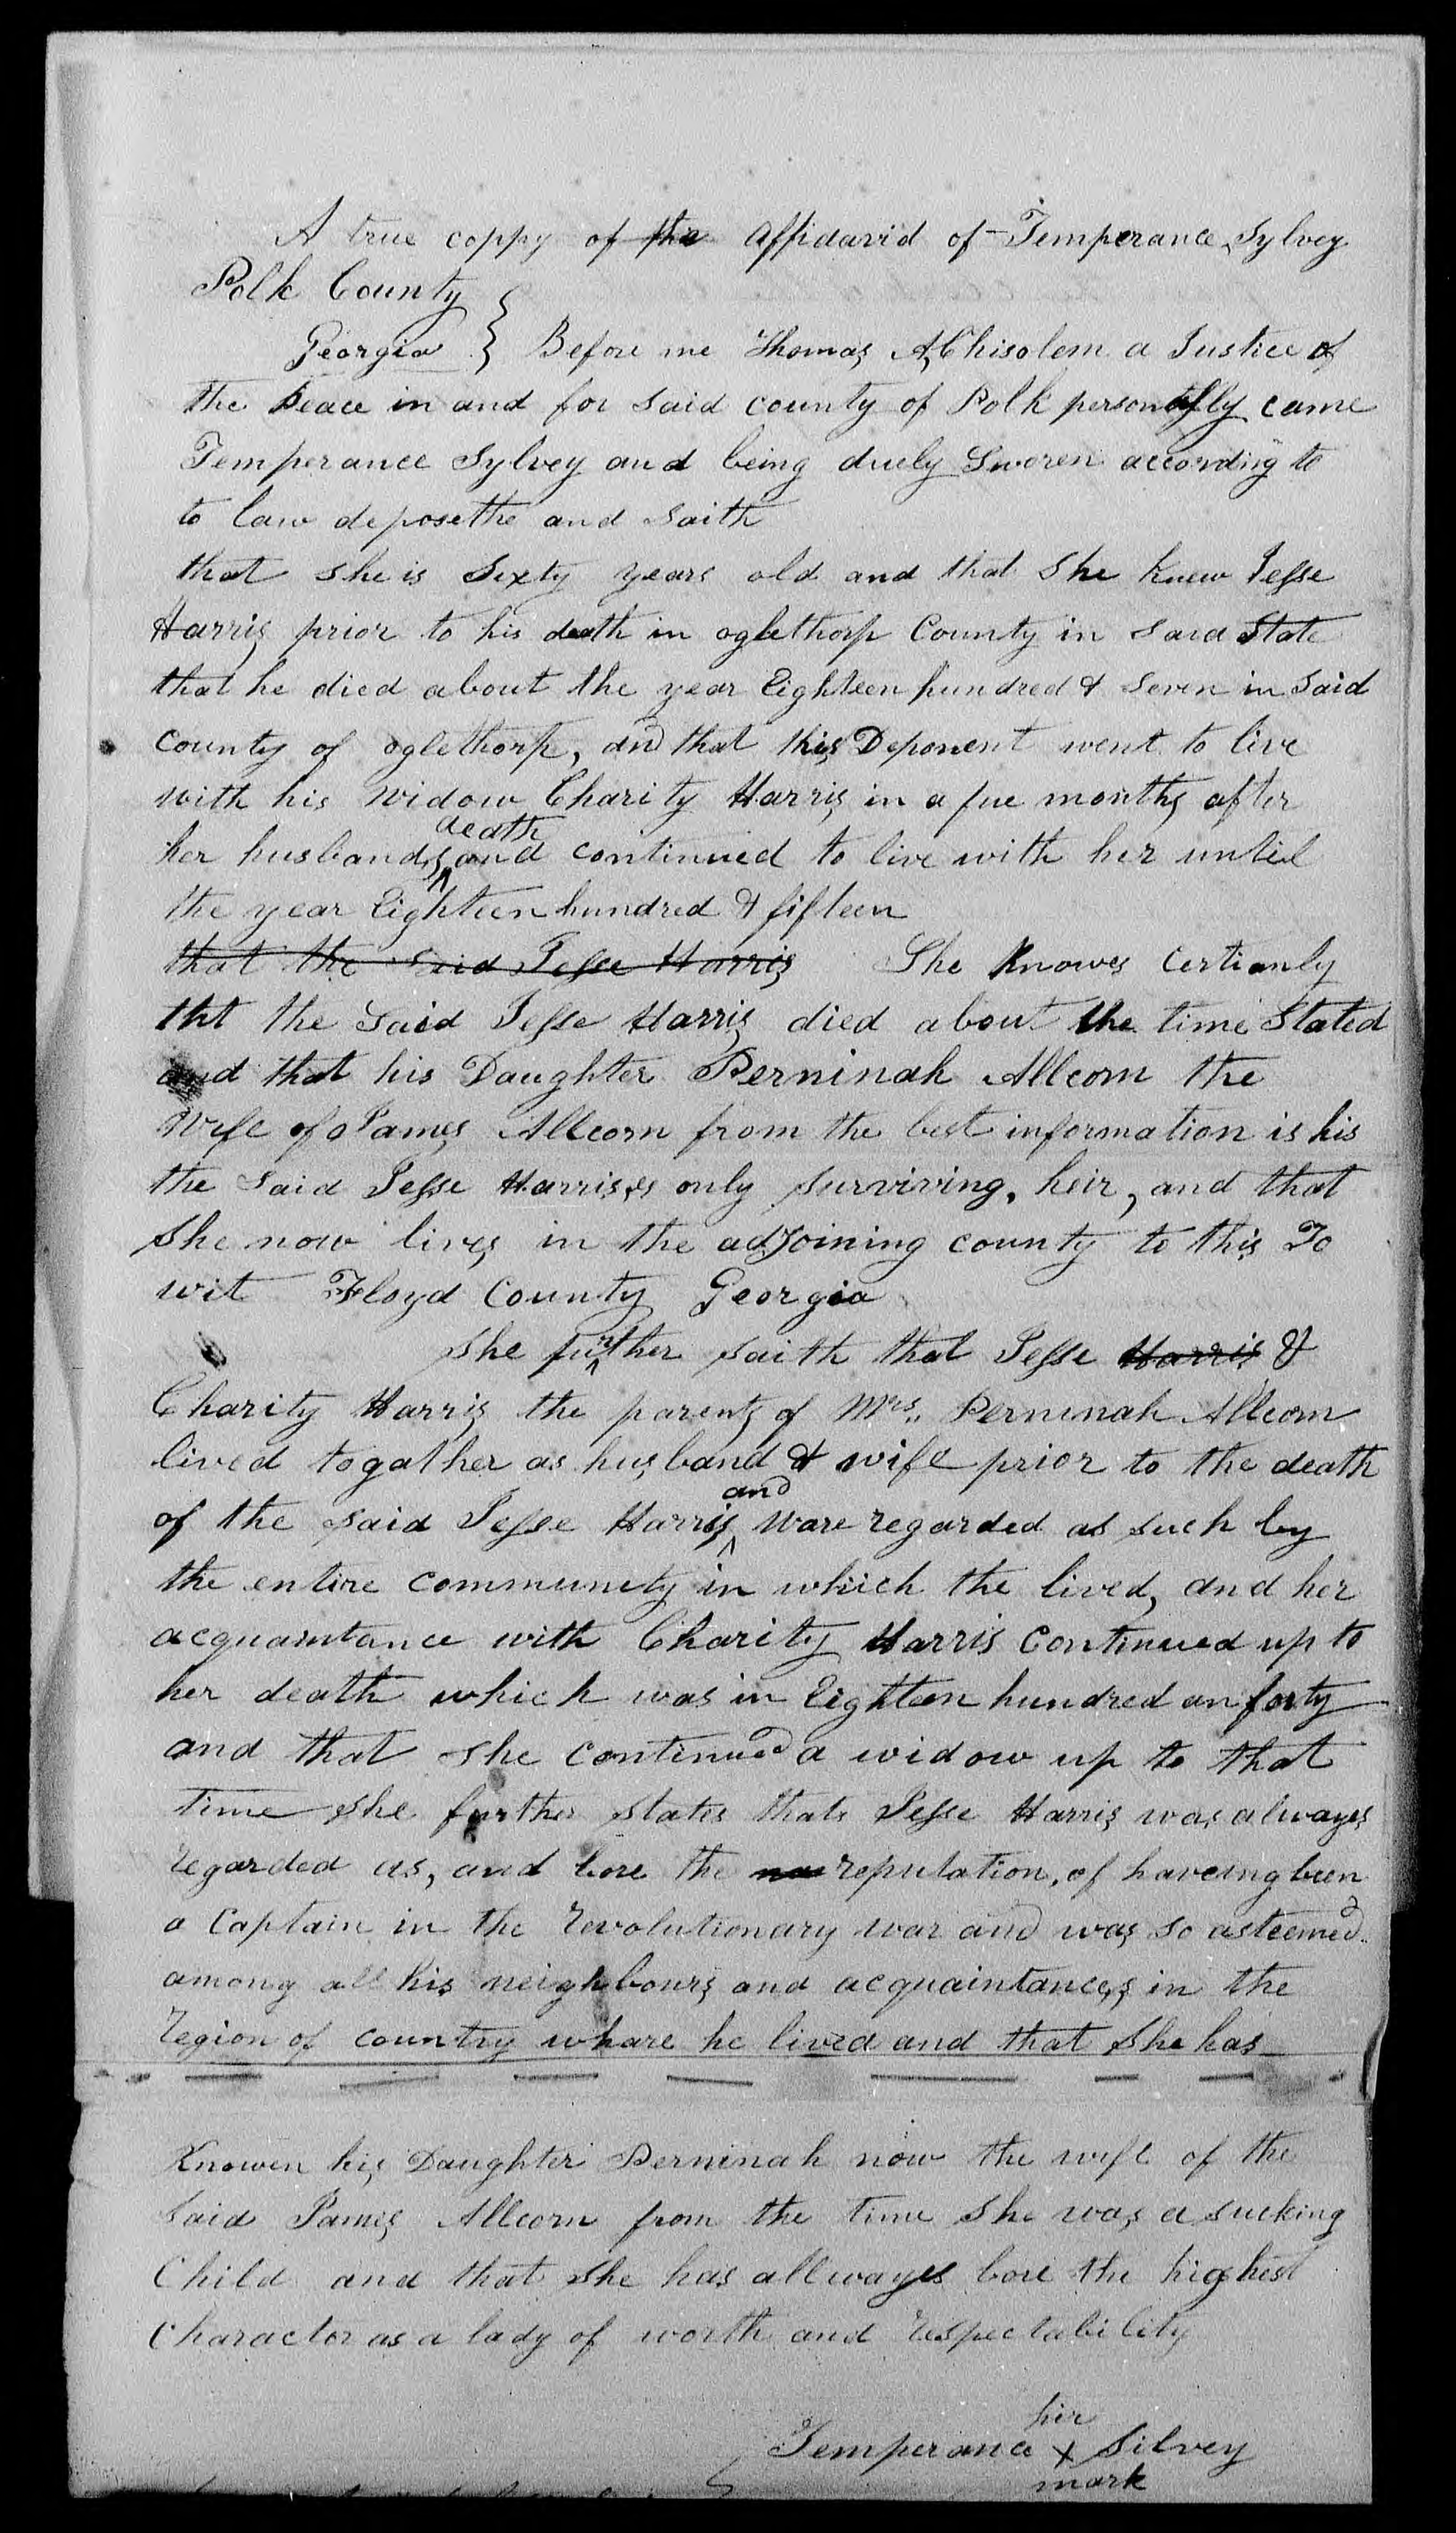A true copy of the affidavit of Temperance Sylvey.
Polk County Georgia
Before me Thomas A Chisolm a Justice of the Peace in and for said county of Polk personally came Temperance Sylvey and being duly sworn according to law deposeth and saith
That she is Sixty years old and that she knew Jesse Harris prior to his death in Oglethorp County in said State that he died about the year Eighteen hundred & Seven in said county of Oglethorp, and that this deponent went to live with his widow Charity Harris in a few months after her husband's death and continued to live with her until the year Eighteen hundred & fifteen.  She knows certainly that the said Jesse Harris died about the time stated and that his daughter Perninah Allcorn the wife of James Allcorn from the best information is his the said Jesse Harris's only surviving heir, and that she now lives in the adjoining county to this to wit Floyd County Georgia.
She further saith that Jesse Harris & nCharity Harris the parents of Mrs. Perninah Allcorn lived together as husband & wife prior to the death of the said Jesse Harris and were regarded as such by the entire community in which the lived, and her acquaintance with Charity Harris continued up to her death which was in Eighteen hundred an forty and that she continued a widow up to that time. She further states that Jesse Harris was always regarded as, and bore the reputation, of having been a Captain in the Revolutionary war and was so esteemed among all his neighbours and acquaintances in the region of country where he lived and that she has known his daughter Perninah now the wife of the said James Allcorn from the time she was a sucking child and that she has allways bore the highest character as a lady of worth and respectability.
Temperance (her X mark) Silvey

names: Jesse Harris, Temperance Sylvey, Jesse Harris, Charity Harris, Jesse Harris, Perninah Allcorn, Jesse Harris, Perninah Allcorn, James Allcorn, Charity Harris, Perninah, Jesse Harris, Jesse Harris, Temperance Sylvey, Thomas A Chisolom, James Allcorn, Jesse Harris, Temperance Silvey, Charity Harris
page: 6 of 32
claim: rejected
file: R. 4655, Jesse Harris, N.C.